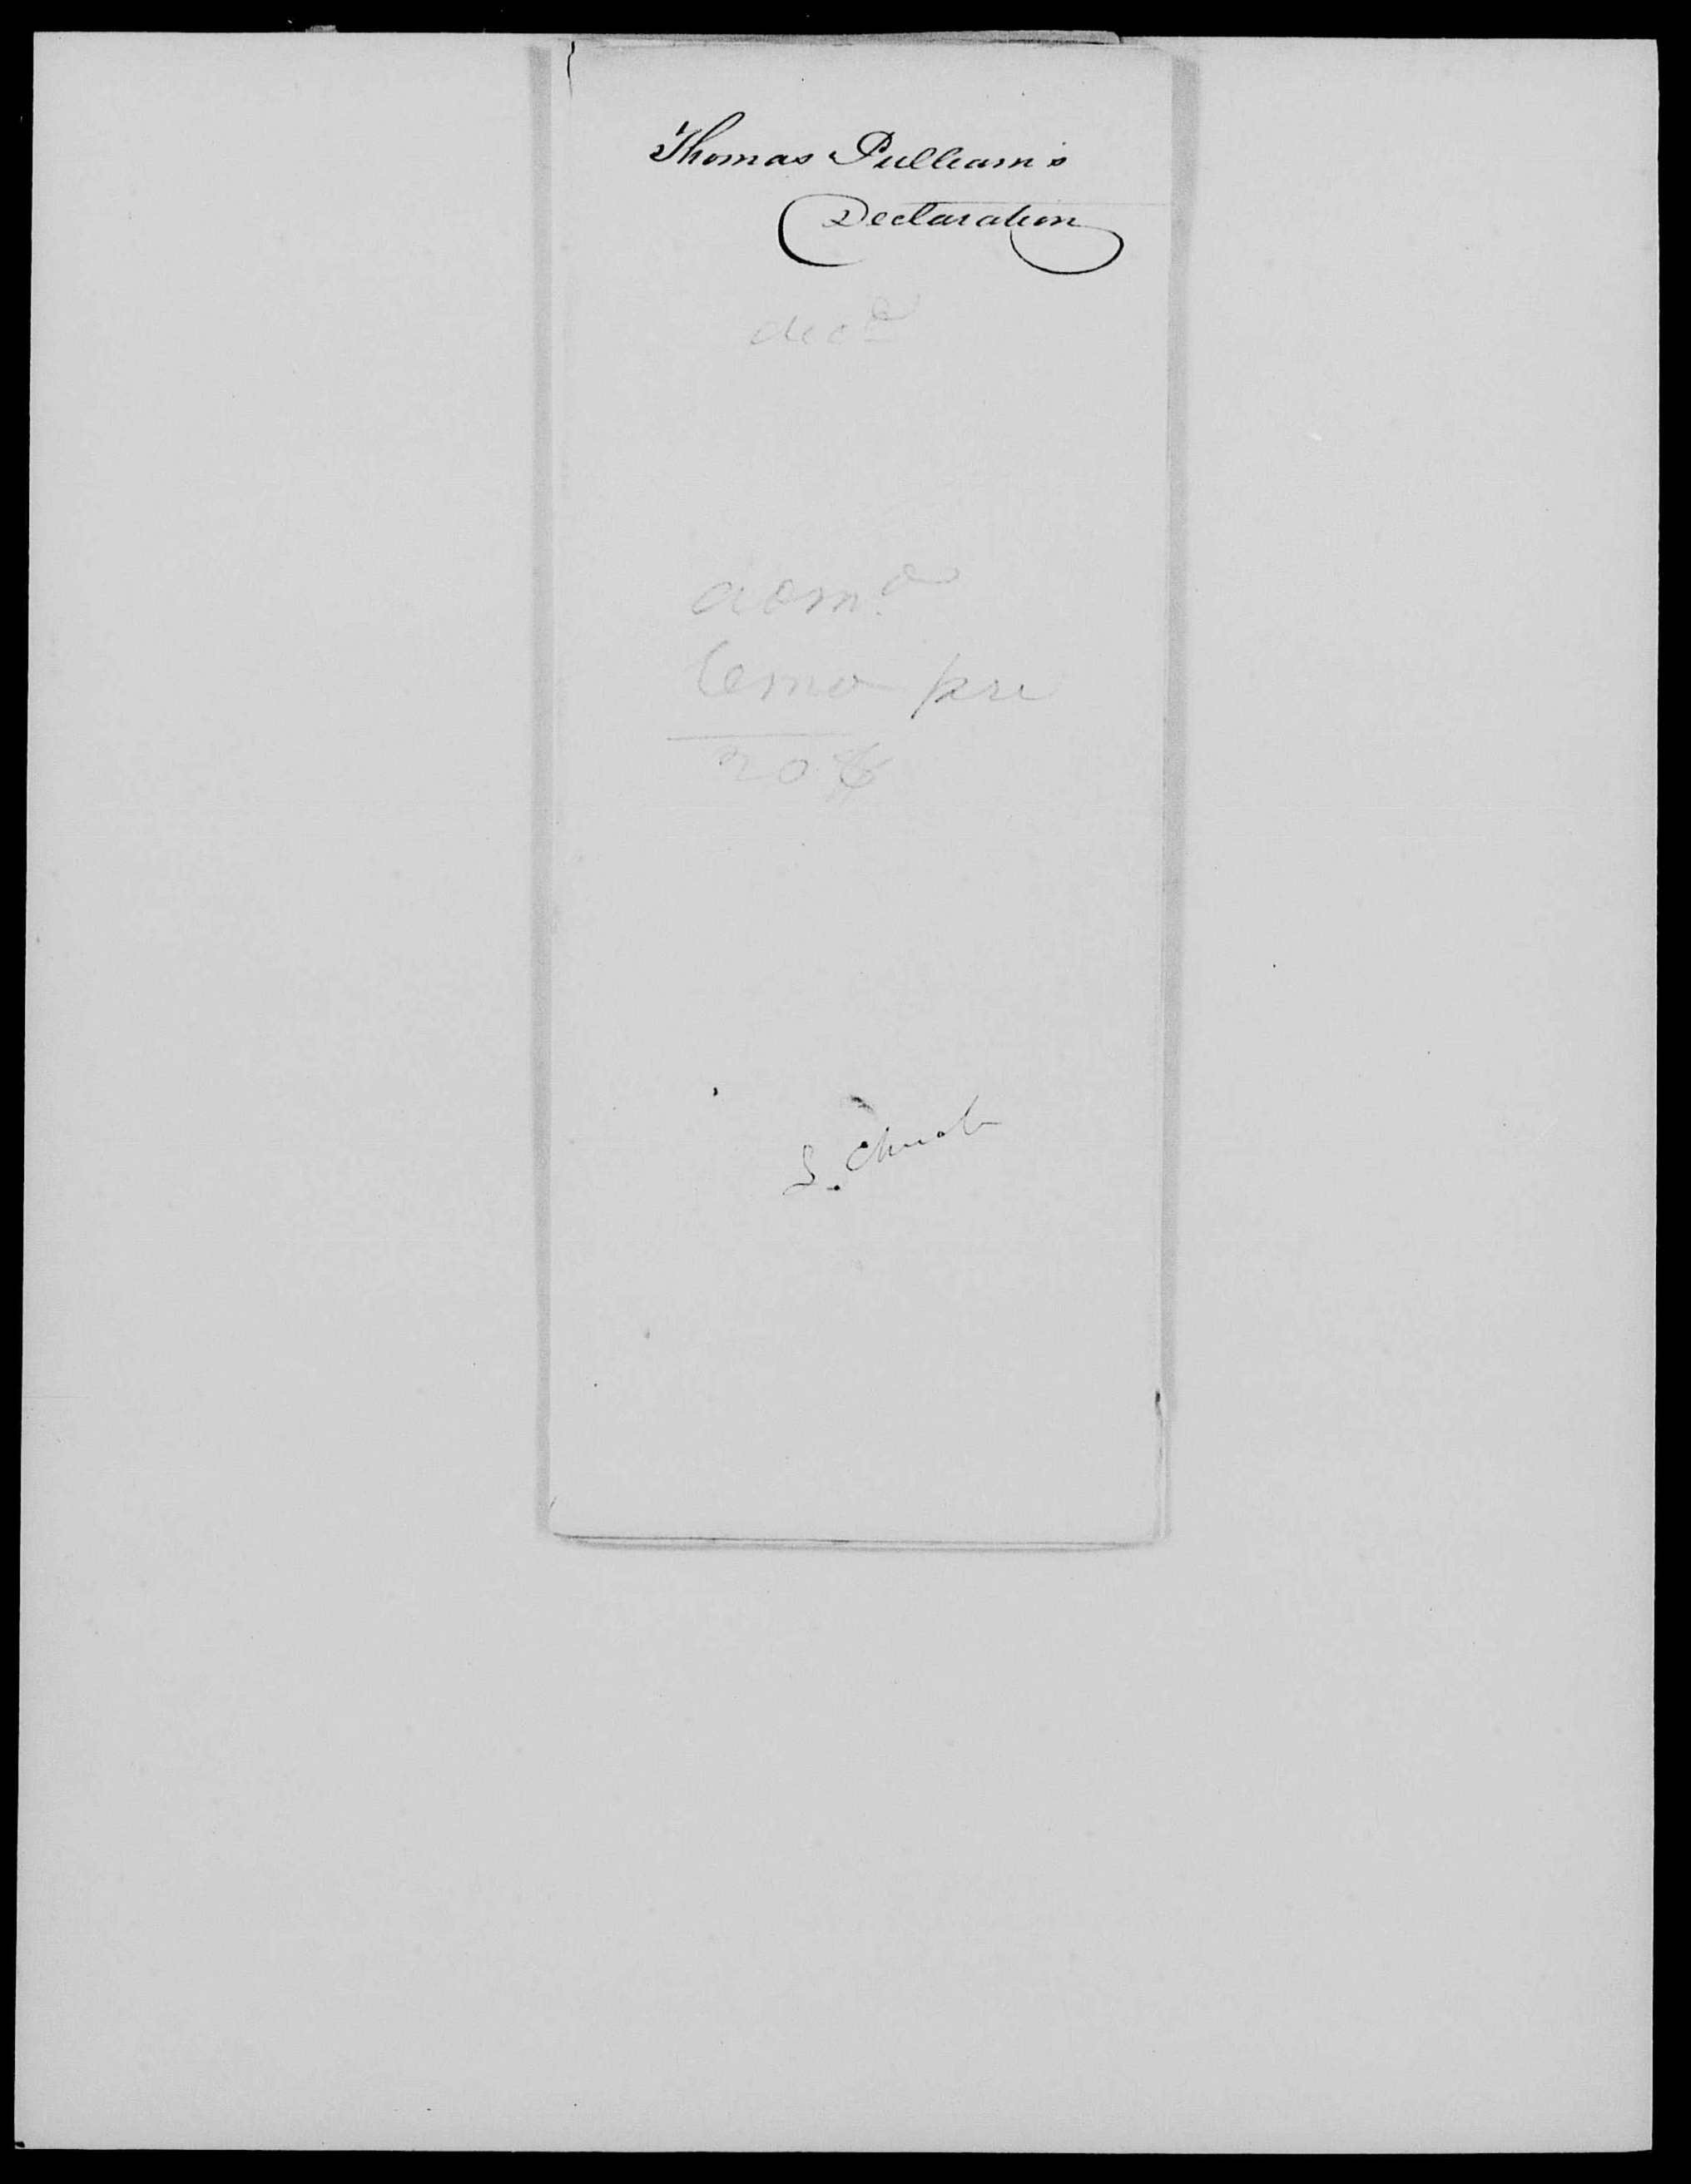Thomas Pulliam's
Declaration

decd

admd
[illegible]/an
$20

S. Church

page: 3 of 27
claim: survivor's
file: S. 5,955, for Thomas Pulliam, Virginia